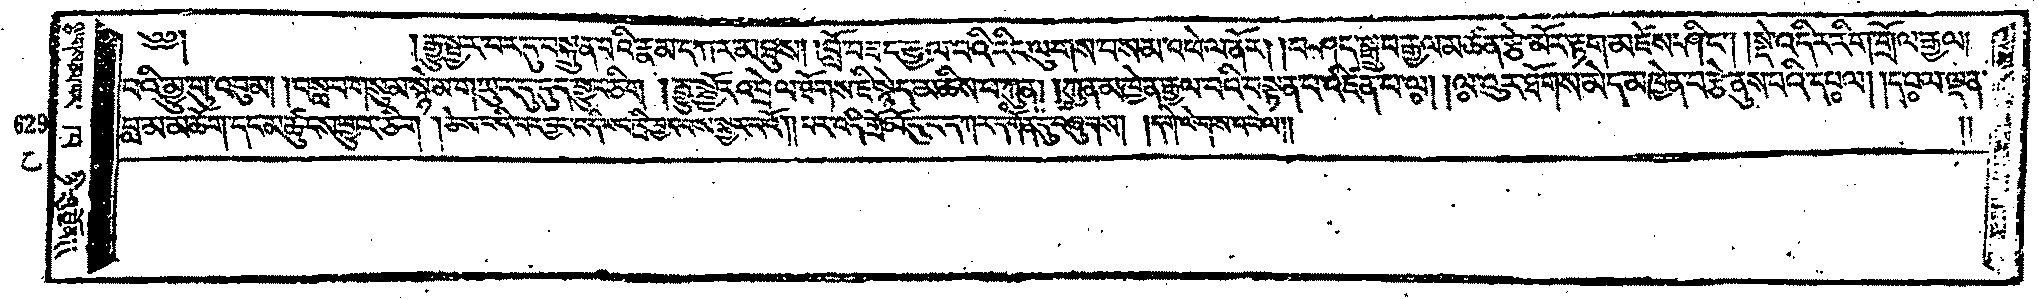༄༅། །རྒྱུ་སྦྱར་བར་དུ་བསྐྲུན་པའི་རྣམ་དཀར་མཐུས། །བློ་བཟང་རྒྱལ་བའི་རིང་ལུགས་བསམ་འཕེལ་ནོར། །བཤད་སྒྲུབ་རྒྱལ་མཚན་རྩེ་མོར་རྟག་མཛེས་ཤིང་། །སྡེ་འདིར་རིག་གྲོལ་རྒྱལ།
པའི་མྱུ་གུ་འབུམ། །བསླབ་གསུམ་སྙེ་མ་གཡུར་དུ་དུད་གྱུར་ཅིག །རྒྱུ་སྦྱོར་འབྲེལ་ཐོགས་ཇི་སྙེད་མཆིས་པ་ཀུན། །ཀུན་མཁྱེན་རྒྱལ་བའི་བསྟན་པ་འཛིན་པ་ལཾ། །ལཾ་འུར་ཐོགས་མེད་མཁྱེན་བརྩེ་ནུས་པའི་དཔལ྾། །དཔལ྾་ལྡན་
བླ་མ་མཆོག་དང་མཚུངས་གྱུར་ཅིག །ཅེས་པའི་པར་བྱང་འདི་ཡག་ཁྲི་བྱང་བས་སྦྱར་བའོ། །པར་འདི་གྲོ་མོ་དུང་དཀར་དགོན་དུ་བཞུགས། །དགེ་ལེགས་འཕེལ།། །།